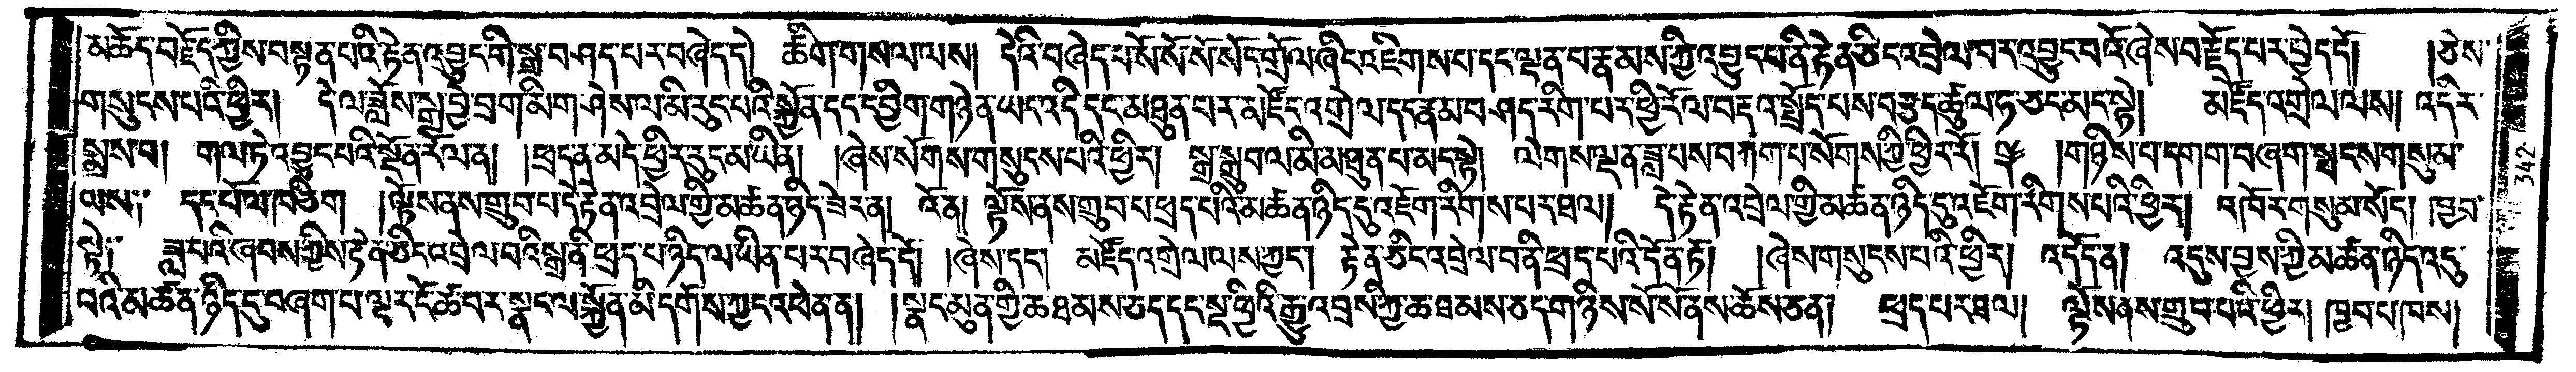མཆོད་བརྗོད་ཀྱིས་བསྟན་པའི་རྟེན་འབྱུང་གི་སྒྲ་བཤད་པར་བཞེད་དེ། ཚིག་གསལ་ལས། དེའི་བཞེད་པ་སོ་སོ་སོ་སོད་གྲོལ་ཞིང་འཇིགས་པ་དང་ལྡན་པ་རྣམས་ཀྱི་འབྱུང་བ་ནི་རྟེན་ཅིང་འབྲེལ་བར་འབྱུང་བའོ་ཞེས་བརྗོད་པར་བྱེད་དོ། །ཅེས་
གསུངས་པའི་ཕྱིར། དེ་ལ་ཟློས་སྒྲ་བྱེ་བྲག་མིག་ཤེས་ལ་མི་རུང་པའི་སྐྱོན་དང་དབྱིག་གཉེན་ཡང་འདི་དང་མཐུན་པར་མཛོད་འགྲེལ་དང་རྣམ་བཤད་རིག་པར་ཕྱི་རོལ་བརྡའ་སྤྲོད་པས་བརྩད་ཚུལ་ཧ་ཅང་མང་སྟེ། མཛོད་འགྲེལ་ལས། འདིར་
སྨྲས་པ། གལ་ཏེ་འབྱུང་པའི་སྔོན་རོལ་ན། །ཕྲད་ན་མེད་ཕྱིར་རུང་མ་ཡིན། །ཞེས་སོགས་གསུངས་པའི་ཕྱིར། སྒྲ་སྒྲུབ་ལ་མི་མཐུན་པ་མང་སྟེ། ལེགས་ལྡན་ཟླ་བས་བཀག་པ་སོགས་ཀྱི་ཕྱིར་རོ། ༈ །གཉིས་པ་དགག་བཞག་སྤངས་གསུམ་
ལས༑ དང་པོ་ལ་ཁ་ཅིག །ལྟོས་ནས་གྲུབ་པ་དེ་རྟེན་འབྲེལ་གྱི་མཚན་ཉིད་ཟེར་ན། འོ་ན། ལྟོས་ནས་གྲུབ་པ་ཕྲད་པའི་མཚན་ཉིད་དུ་འཇོག་རིགས་པར་ཐལ། དེ་རྟེན་འབྲེལ་གྱི་མཚན་ཉིད་དུ་འཇོག་རིགས་པའི་ཕྱིར། འཁོར་གསུམ་སོང་། ཁྱབ་
སྟེ༑ ཟླ་བའི་ཞབས་ཀྱིས་རྟེན་ཅིང་འབྲེལ་བའི་སྒྲ་ནི་ཕྲད་པ་ཉིད་ལ་ཡིན་པར་བཞེད་དོ། །ཞེས་དང་། མཛོད་འགྲེལ་ལས་ཀྱང་། རྟེན་ཅིང་འབྲེལ་བ་ནི་ཕྲད་པའི་དོན་ཏོ། །ཞེས་གསུངས་པའི་ཕྱིར། འདོད་ན། འདུས་བྱས་ཀྱི་མཚན་ཉིད་འདུ་
བའི་མཚན་ཉིད་དུ་བཞག་པ་ལྟར་ངོ་ཚ་བར་སྣང་ལ་སྐྱོན་མི་དགོས་ཀྱང་འཕེན་ན། །སྣང་མུན་གྱི་ཆ་ཐམས་ཅད་དང་སྔ་ཕྱིའི་རྒྱུ་འབྲས་ཀྱི་ཆ་ཐམས་ཅད་གཉིས་སོ་སོ་ནས་ཆོས་ཅན། ཕྲད་པར་ཐལ། ལྟོས་ནས་གྲུབ་པའི་ཕྱིར། ཁྱབ་པ་ཁས།